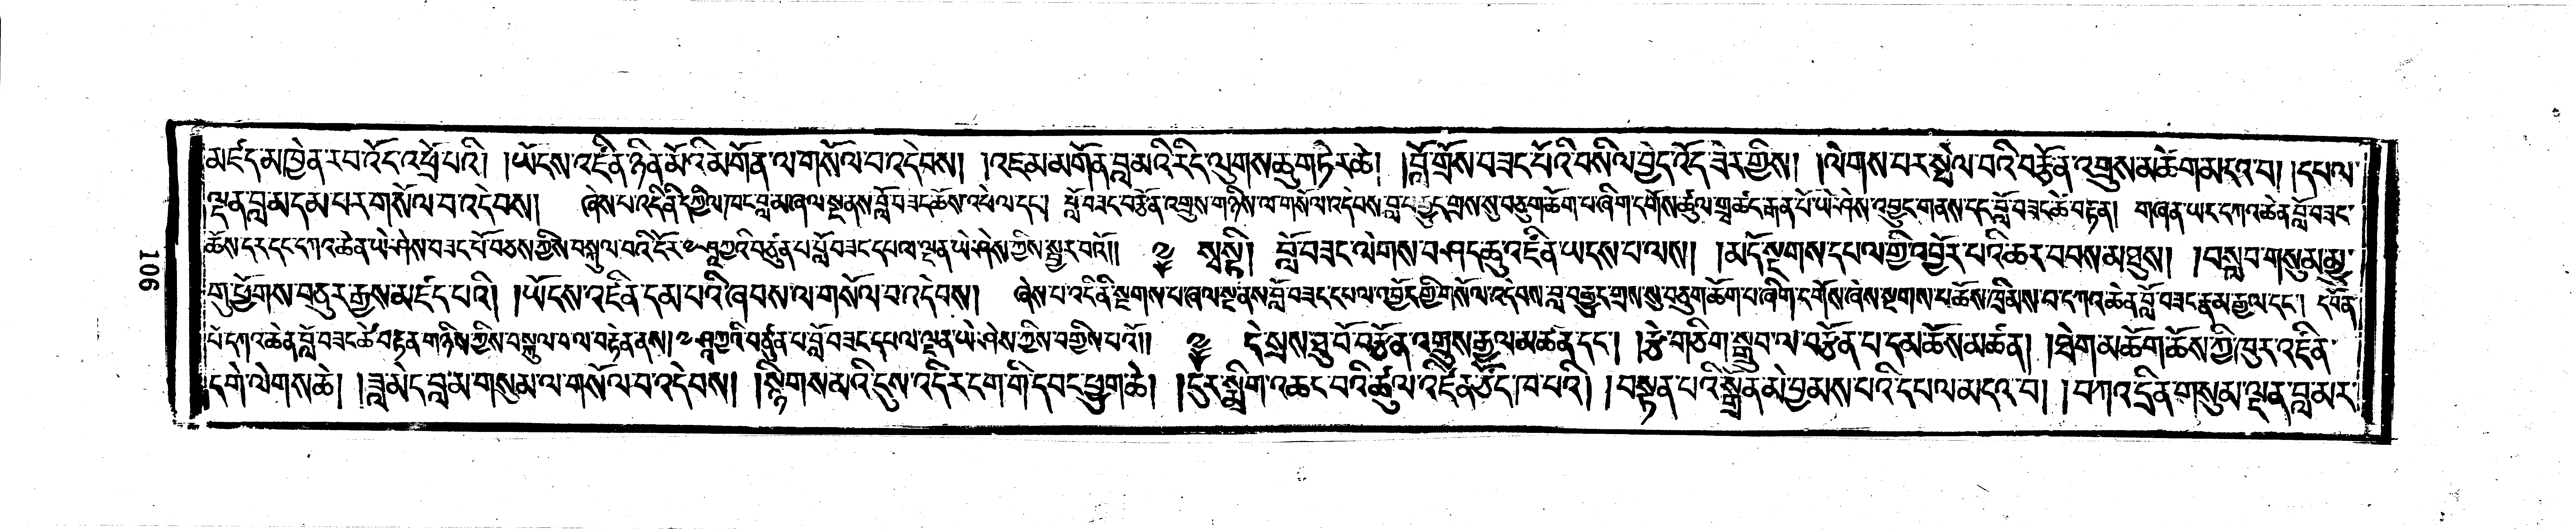མཛད་མཁྱེན་རབ་འོད་འཕྲོ་བའི། །ཡོངས་འཛིན་ཉིན་མོའི་མགོན་ལ་གསོལ་བ་འདེབས། །འཇམ་མགོན་བླ་མའི་རིང་ལུགས་ཆུ་གཏེར་ཆེ། །བློ་གྲོས་བཟང་པོའི་བསིལ་བྱེད་འོད་ཟེར་གྱིས། །ལེགས་པར་སྤེལ་བའི་བརྩོན་འགྲུས་མཚེགས་མང་བ། །དཔལ་
ལྡན་བླ་མ་དམ་པར་གསོལ་བ་འདེབས། ཞེས་པ་འདི་ནི་དཀྱིལ་ཁང་བླ་མ་ཞལ་སྔ་ནས་བློ་བཟང་ཆོས་འཕེལ་དང་། བློ་བཟང་བརྩོན་འགྲུས་གཉིས་ལ་གསོལ་འདེབས་བླ་བརྒྱུད་གྲས་སུ་བཅུག་ཆོག་པ་ཞིག་དགོས་ཚུལ་གྲྭ་ཚང་རྒན་པོ་ཡེ་ཤེས་འབྱུང་གནས་དང་བློ་བཟང་ཚེ་བརྟན། གཞན་ཡང་དཀའ་ཆེན་བློ་བཟང་
ཆོས་དར་དང་དཀའ་ཆེན་ཡེ་ཤེས་བཟང་པོ་བཅས་ཀྱིས་བསྐུལ་བའི་ངོར་༧་ཤཱཀྱའི་བཙུན་པ་བློ་བཟང་དཔལ་ལྡན་ཀྱིས་སྦྱར་བའོ།། ༈ སྭ་སྟི། བློ་བཟང་ལེགས་བཤད་ཆུ་འཛིན་ཡངས་པ་ལས། །མདོ་སྔགས་དཔལ་གྱི་འབྱོར་པའི་ཆར་བབས་མཐུས། །བསླབ་གསུམ་མྱ་
གུ་ཕྱོགས་བཅུར་རྒྱས་མཛད་པའི། །ཡོངས་འཛིན་དམ་པའི་ཞབས་ལ་གསོལ་བ་འདེབས། ཞེས་པ་འདི་ནི་སྔགས་པ་ཞལ་སྔ་ནས་བློ་བཟང་དཔལ་འབྱོར་གྱི་གསོལ་འདེབས་བླ་བརྒྱུད་གྲས་སུ་ཅུག་ཆོག་པ་ཞིག་དགོས་ཞེས་སྔགས་པ་ཆོས་ཁྲིམས་བ་དཀའ་ཆེན་བློ་བཟང་རྣམ་རྒྱལ་དང་། དབོན་
པོ་དཀའ་ཆེན་བློ་བཟང་ཚེ་བརྟན་གཉིས་ཀྱིས་བསྐུལ་བ་ལ་བརྟེན་ནས། ༧་ཤཱཀྱའི་བཙུན་པ་བློ་བཟང་དཔལ་ལྡན་ཡེ་ཤེས་ཀྱིས་བགྱིས་པའོ།། ༈ དེ་སྲས་ཐུབ་པོ་བརྩོན་འགྲུས་རྒྱལ་མཚན་དང་། །རྩེ་གཅིག་སྒྲུབ་ལ་བརྩོན་པ་དམ་ཆོས་མཚན། །ཐེག་མཆོག་ཆོས་ཀྱི་ཁུར་འཛིན་
དགེ་ལེགས་ཆེ། །ཟླ་མེད་བླ་མ་གསུམ་ལ་གསོལ་བ་འདེབས། །སྙིགས་མའི་དུས་འདིར་ངག་གི་དབང་ཕྱུག་ཆེ། །དུར་སྨྲིག་འཆང་བའི་ཚུལ་འཛིན་ཙོང་ཁ་པའི། །བསྟན་པའི་སྒྲོན་མེ་བྱམས་པའི་དཔལ་མངའ་བ། །བཀའ་དྲིན་གསུམ་ལྡན་བླ་མར་